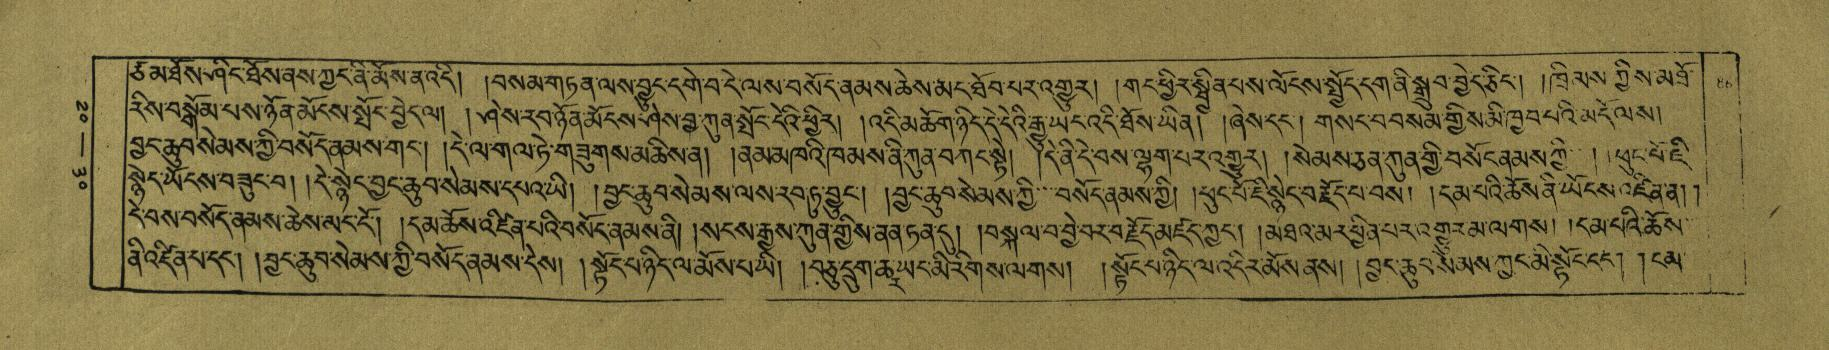ཙམ་ཐོས་ཤིང་ཐོས་ནས་ཀྱང་ནི་མོས་ན་འདི། །བསམ་གཏན་ལས་བྱུང་དགེ་བ་དེ་ལས་བསོད་ནམས་ཆེས་མང་ཐོབ་པར་འགྱུར། །གང་ཕྱིར་སྦྱིན་པས་ལོངས་སྤྱོད་དག་ནི་སྒྲུབ་བྱེད་ཅིང་། །ཁྲིམས་ཀྱིས་མཐོ་
རིས་བསྒོམ་པས་ཉོན་མོངས་སྤོང་བྱེད་ལ། །ཤེས་རབ་ཉོན་མོངས་ཤེས་བྱ་ཀུན་སྤོང་དེའི་ཕྱིར། །འདི་མཆོག་ཉིད་དེ་དེའི་རྒྱུ་ཡང་འདི་ཐོས་ཡིན། །ཞེས་དང་། གསང་བ་བསམ་གྱིས་མི་ཁྱབ་པའི་མདོ་ལས།
བྱང་ཆུབ་སེམས་ཀྱི་བསོད་ནམས་གང་། །དེ་ལ་གལ་ཏེ་གཟུགས་མཆིས་ན། །ནམ་མཁའི་ཁམས་ནི་ཀུན་བཀང་སྟེ། །དེ་ནི་དེ་བས་ལྷག་པར་འགྱུར། །སེམས་ཅན་ཀུན་གྱི་བསོད་ནམས་ཀྱི། །ཕུང་པོ་ཇི་
སྙེད་ཡོངས་བཟུང་བ། །དེ་སྙེད་བྱང་ཆུབ་སེམས་དཔའ་ཡི། །བྱང་ཆུབ་སེམས་ལས་རབ་ཏུ་བྱུང་། །བྱང་ཆུབ་སེམས་ཀྱི་བསོད་ནམས་ཀྱི། །ཕུང་པོ་ཇི་སྙེད་བརྗོད་པ་བས། །དམ་པའི་ཆོས་ནི་ཡོངས་འཛིན་ན། །
དེ་བས་བསོད་ནམས་ཆེས་མང་ངོ། །དམ་ཆོས་འཛིན་པའི་བསོད་ནམས་ནི། །སངས་རྒྱས་ཀུན་གྱིས་ནན་ཏན་དུ། །བསྐལ་བ་བྱེ་བར་བརྗོད་མཛད་ཀྱང་། །མཐའ་མར་ཕྱིན་པར་འགྱུར་མ་ལགས། །དམ་པའི་ཆོས་
ནི་འཛིན་པ་དང་། །བྱང་ཆུབ་སེམས་ཀྱི་བསོད་ནམས་དེས། །སྟོང་པ་ཉིད་ལ་མོས་པ་ཡི། །བཅུ་དྲུག་ཆར་ཡང་མི་རིགས་ལགས། །སྟོང་པ་ཉིད་ལ་འདིར་མོས་ནས། །བྱང་ཆུབ་སེམས་ཀྱང་མི་སྟོང་དང་། །ངམ་